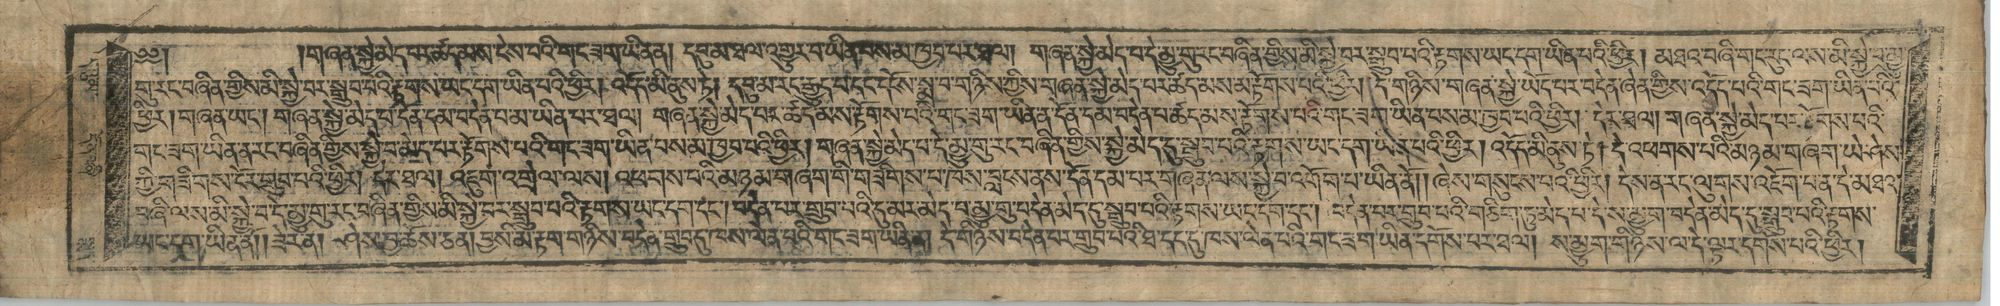༄༅། །གཞན་སྐྱེ་མེད་པར་ཚད་མས་ངེས་པའི་གང་ཟག་ཡིན་ན། དབུ་མ་ཐལ་འགྱུར་བ་ཡིན་པས་མ་ཁྱབ་པར་ཐལ། གཞན་སྐྱེ་མེད་པ་དེ་མྱུ་གུ་རང་བཞིན་གྱིས་མི་སྐྱེ་བར་སྒྲུབ་པའི་རྟགས་ཡང་དག་ཡིན་པའི་ཕྱིར། མཐའ་བཞི་གང་རུང་ལས་མི་སྐྱེ་བ་མྱུ་
གུ་རང་བཞིན་གྱིས་མི་སྐྱེ་བར་སྒྲུབ་པའི་རྟགས་ཡང་དག་ཡིན་པའི་ཕྱིར། འདོད་མི་ནུས་ཏེ། དབུ་མ་རང་རྒྱུད་པ་དང་དངོས་སྨྲ་བ་གཉིས་ཀྱིས་གཞན་སྐྱེ་མེད་པར་ཚད་མས་མ་རྟོགས་པའི་ཕྱིར། དེ་གཉིས་གཞན་སྐྱེ་ཡོད་པར་བདེན་ཞེན་གྱིས་འདོད་པའི་གང་ཟག་ཡིན་པའི་
ཕྱིར། གཞན་ཡང་། གཞན་སྐྱེ་མེད་པ་དོན་དམ་བདེན་པ་མ་ཡིན་པར་ཐལ། གཞན་སྐྱེ་མེད་པར་ཚད་མས་རྟོགས་པའི་གང་ཟག་ཡིན་ན་དོན་དམ་བདེན་པ་ཚད་མས་རྟོགས་པའི་གང་ཟག་ཡིན་པས་མ་ཁྱབ་པའི་ཕྱིར། དེར་ཐལ། གཞན་སྐྱེ་མེད་པར་རྟོགས་པའི་
གང་ཟག་ཡིན་ན་རང་བཞིན་གྱིས་སྐྱེ་བ་མེད་པར་རྟོགས་པའི་གང་ཟག་ཡིན་པས་མ་ཁྱབ་པའི་ཕྱིར། གཞན་སྐྱེ་མེད་པ་དེ་མྱུ་གུ་རང་བཞིན་གྱིས་སྐྱེ་མེད་དུ་སྒྲུབ་པའི་རྟགས་ཡང་དག་ཡིན་པའི་ཕྱིར། འདོད་མི་ནུས་ཏེ། དེ་འཕགས་པའི་མཉམ་གཞག་ཡེ་ཤེས་
ཀྱི་གཟིགས་ངོར་གྲུབ་པའི་ཕྱིར། དེར་ཐལ། འཇུག་འགྲེལ་ལས། འཕགས་པའི་མཉམ་གཞག་གི་གཟིགས་པ་ཁས་བླངས་ནས་དོན་དམ་པར་གཞན་ལས་སྐྱེ་བ་འགོག་པ་ཡིན་ནོ། །ཞེས་གསུངས་པའི་ཕྱིར། དེས་ན་རང་ལུགས་འཇོག་པ་ན་དེ་མཐའ་
བཞི་ལས་མི་སྐྱེ་བ་དེ་མྱུ་གུ་རང་བཞིན་གྱིས་མི་སྐྱེ་བར་སྒྲུབ་པའི་རྟགས་ཡང་དག་དང་། བདེན་པར་གྲུབ་པའི་དུ་མར་མེད་པ་མྱུ་གུ་བདེན་མེད་དུ་སྒྲུབ་པའི་རྟགས་ཡང་དག་དང་། བདེན་པར་གྲུབ་པའི་གཅིག་ཏུ་མེད་པ་དེ་ས་མྱུག་བདེན་མེད་དུ་སྒྲུབ་པའི་རྟགས་
ཡང་དག་ཡིན་ནོ། །ཟེར་ན། ཤེས་བྱ་ཆོས་ཅན། བྱས་མི་རྟག་གཉིས་བདེན་གྲུབ་དུ་ཁས་ལེན་པའི་གང་ཟག་ཡིན་ན། དེ་གཉིས་བདེན་པར་གྲུབ་པའི་ཐ་དད་དུ་ཁས་ལེན་པའི་གང་ཟག་ཡིན་དགོས་པར་ཐལ། ས་མྱུག་གཉིས་ལ་དེ་ལྟར་དགོས་པའི་ཕྱིར།